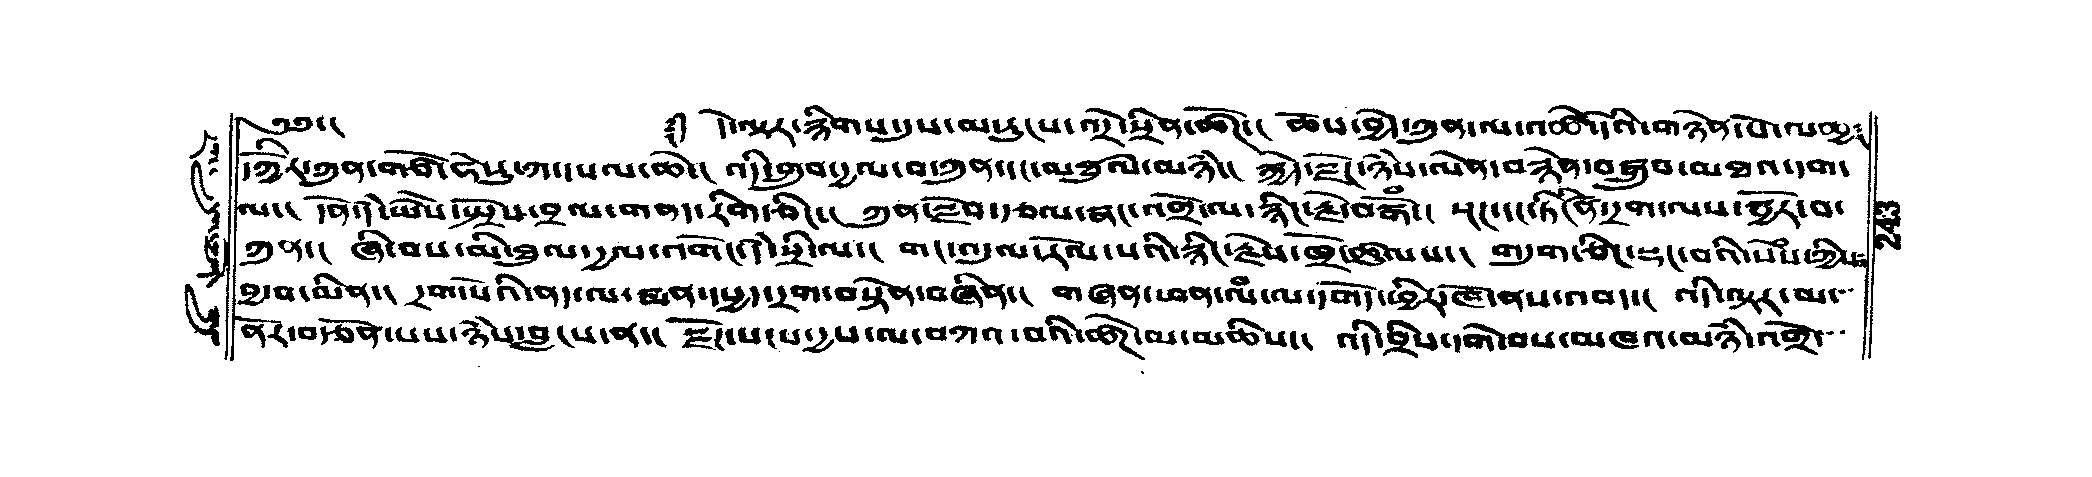༈ དེ་ལྟར་སྙིགས་དུས་མ་རུངས་འདྲེ་སྲིན་ཚོགས། །ཆོས་བྱེད་ཀུན་ལ་འཚེ་དེའི་གཉེན་པོ་མཆོག་།
དཀྱིལ་འཁོར་ཀུན་གཙོ་ཧེ་རུ་ཀ་དཔལ་ཆེ། །འདི་གྲུབ་རྒྱལ་བ་ཀུན་དང་མཐུ་རྩལ་མཉམ། །སྐྱེད་རྫོགས་ཉམས་ལེན་བསྙེན་སྒྲུབ་མཐའ་དག་
ལ། །དོན་དམ་ཡེ་ཤེས་སྤྲོས་བྲལ་གནད་རིག་ཅིང་། །ཀུན་རྫོབ་རྩལ་སྣང་འགྲོ་ལ་སྙིང་རྗེ་བསྒོམ། །སྔགས་དང་ཏིང་འཛིན་དྲག་ལས་སྦྱོར་བ་
ཀུན། །ཞི་བས་མི་ཐུལ་རྒྱལ་འགོང་དམ་སྲི་ལ། །གང་འདུལ་རོལ་པའི་སྙིང་རྗེས་ཁྲོ་ཚུལ་ལས། །གདུག་ཅིང་སྡང་བའི་སེམས་ཀྱིས་
བྱ་བ་ཡིན། །དྲག་པོའི་ནད་ལ་སྨན་དཔྱད་དྲག་བསྟེན་བཞིན། །གཞན་ཕན་ལམ་ལ་འགོད་ཕྱིར་ཁོ་ནས་འབད། །འདི་ལྟར་མ་
ནོར་བརྩོན་པས་ཉམས་བླངས་ན། །རྫོགས་སངས་རྒྱས་ལ་བཀའ་བའི་ཚོགས་མ་མཆིས། །འདི་བྲིས་དགེ་བས་མཁའ་མཉམ་འགྲོ་